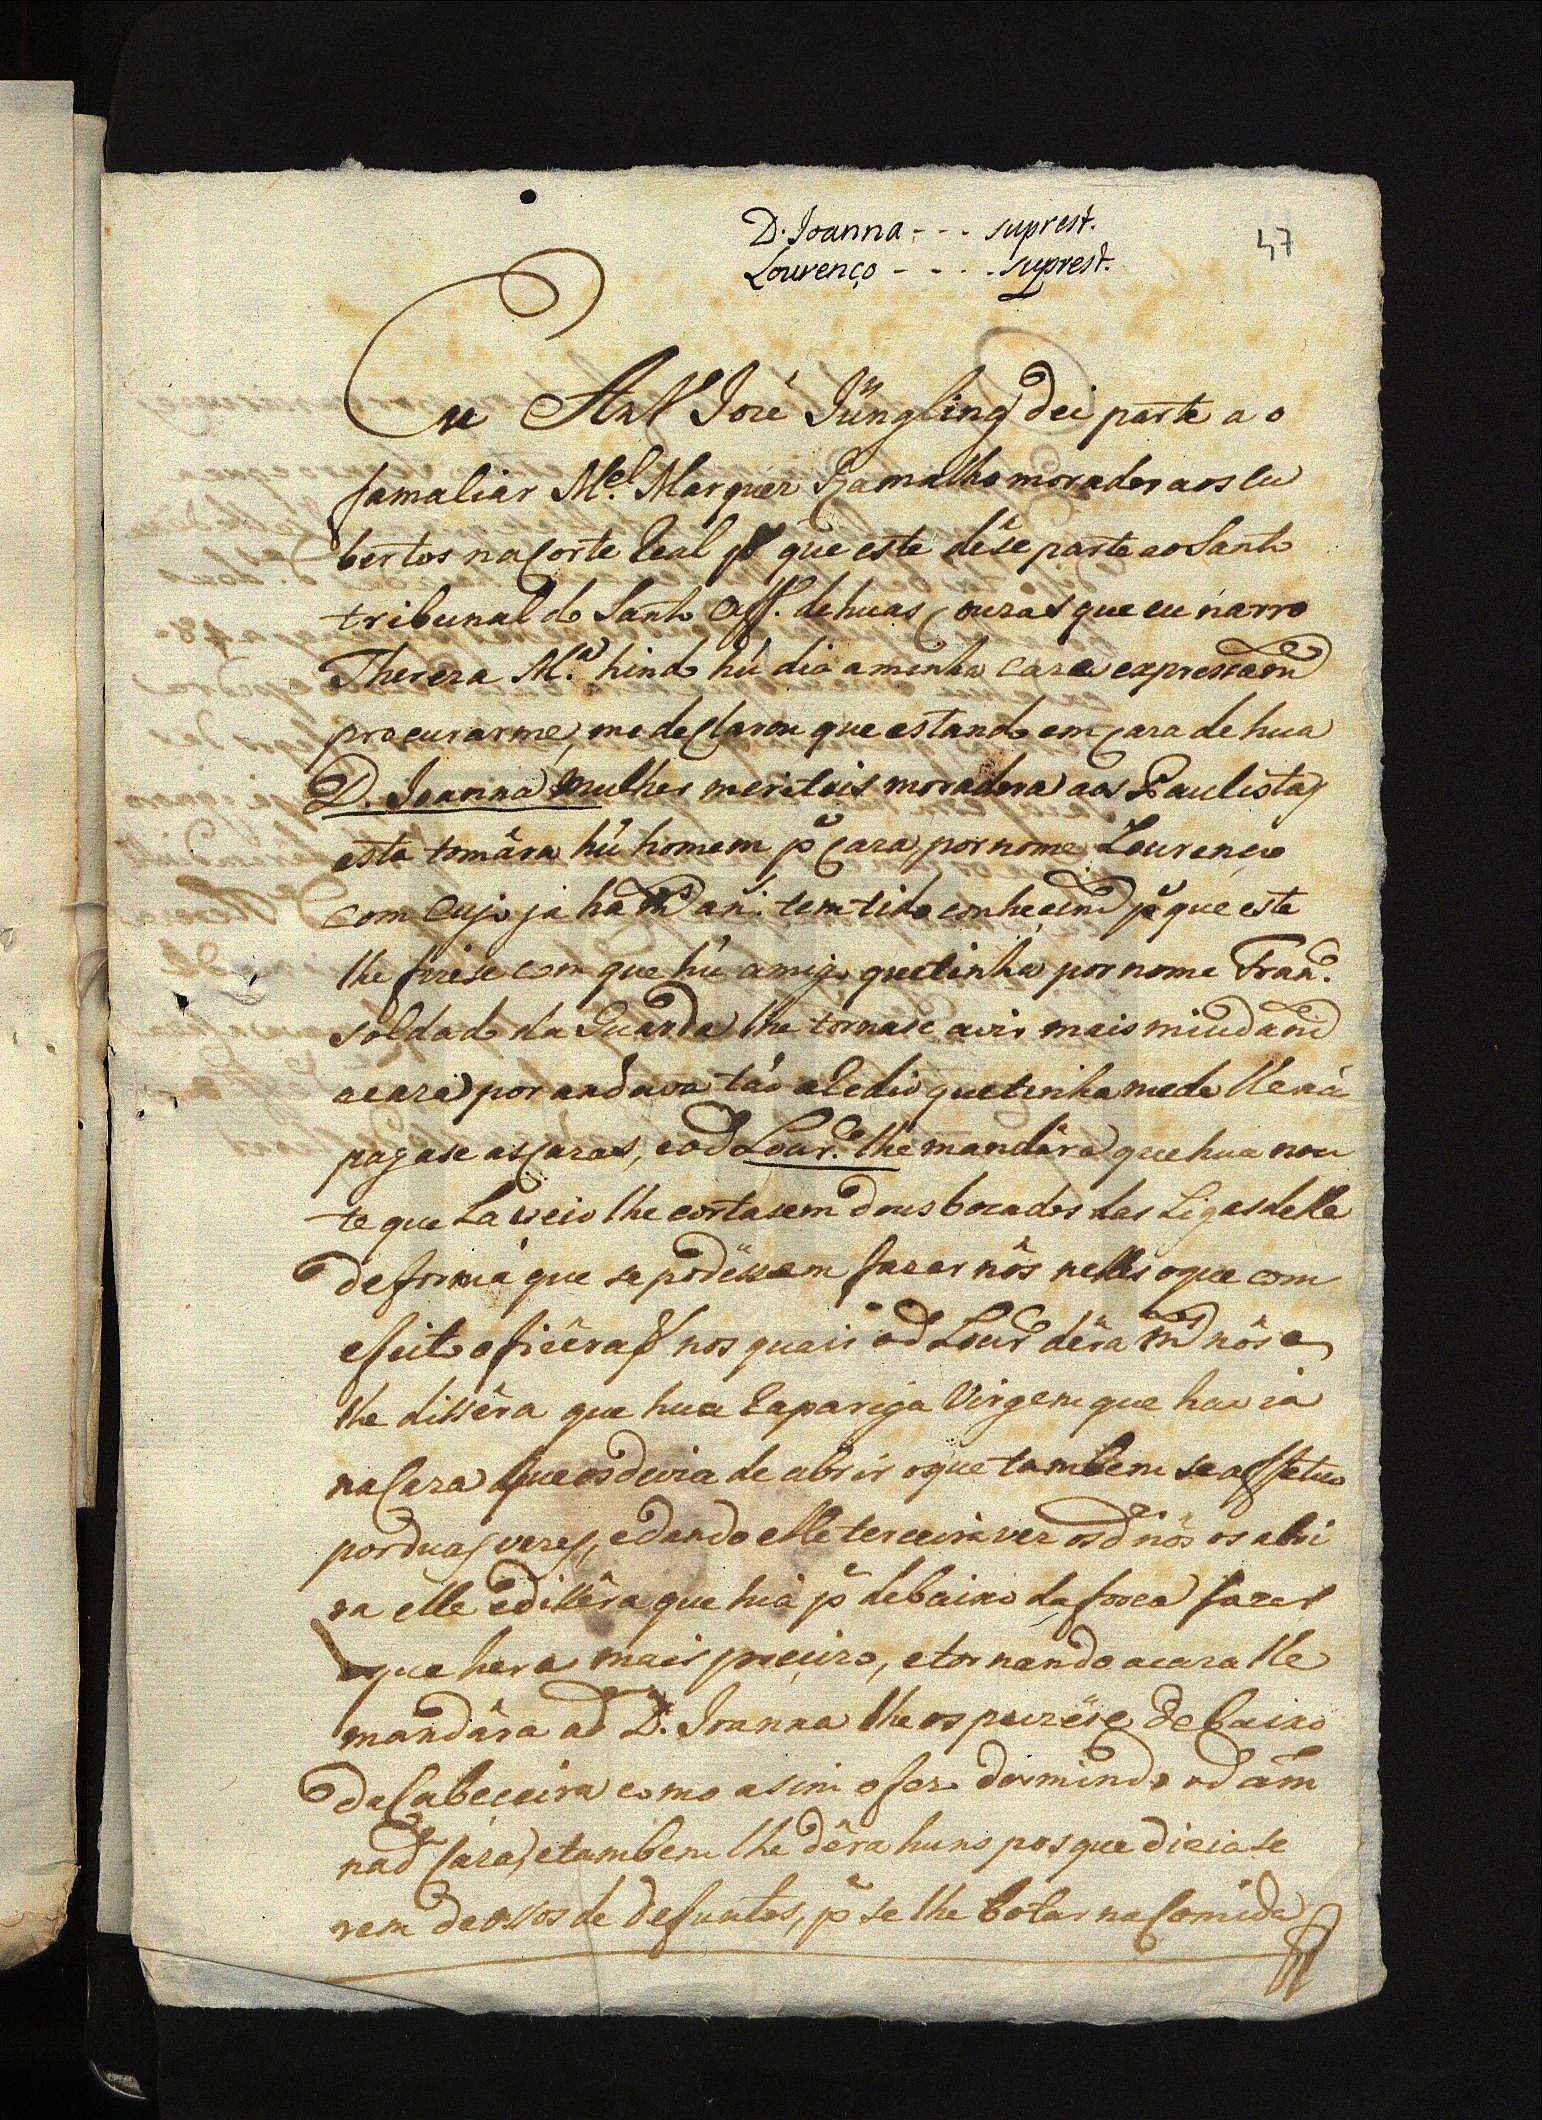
D. Ioanna. --- suprest.
Lourenço - - - - suprest.
Eu Ant.o Iozé Iūngling dei parte ao
famaliar M.el Marquez Ramalho morador aos cu
bertos na Corte Real pa que este dese parte ao Santo
tribunal do Santo Off.o de huas Couzas que eu narro
Thereza M.a hindo hū dia a minha caza e apressam.te
procurarme, me deClarou que estando em Caza de hua
D. Ioanna mulher meretris moradora aos Paulistas
esta tomára hū homem pa Caza, por nome Lourenço
com cujo ja ha mtos ans: tem tido conheçimto pa que este
lhe fizese com que hū amigo que tinha por nome Fran.co
soldado da Guarda lhe tornase a vir mais miudamte
a caza por andava taõ aRedio que tinha medo lhe nã
pagase as Cazas, e o do Lour.co lhe mandára que hua nou
te que La ueio lhe cortasem dous bocados das Ligas delle
de forma que se podessem fazer nós nelles o que com
efeito o ficéraõ nos quais o do Lourco déra mtos nós e
lhe dissera que hua Rapariga Virgem que hauia
na Caza que os devia de abrir o que tambem se affetuo
por duas vezes, e dando elle terceira vez os dos nós os abri
ra elle e disséra que hia pa debaixo da forca fazer
_que hera mais preçizo, e tornando a caza lhe
mandára a da D. Ioanna lhe os puzése debaixo
da Cabeçeira, como asim o fez dormindo o d.o amo
na da Caza, e tambem lhe déra huns pos que dizia se
rem de ossos de defuntos, p̄ se lhe botar na Comida
